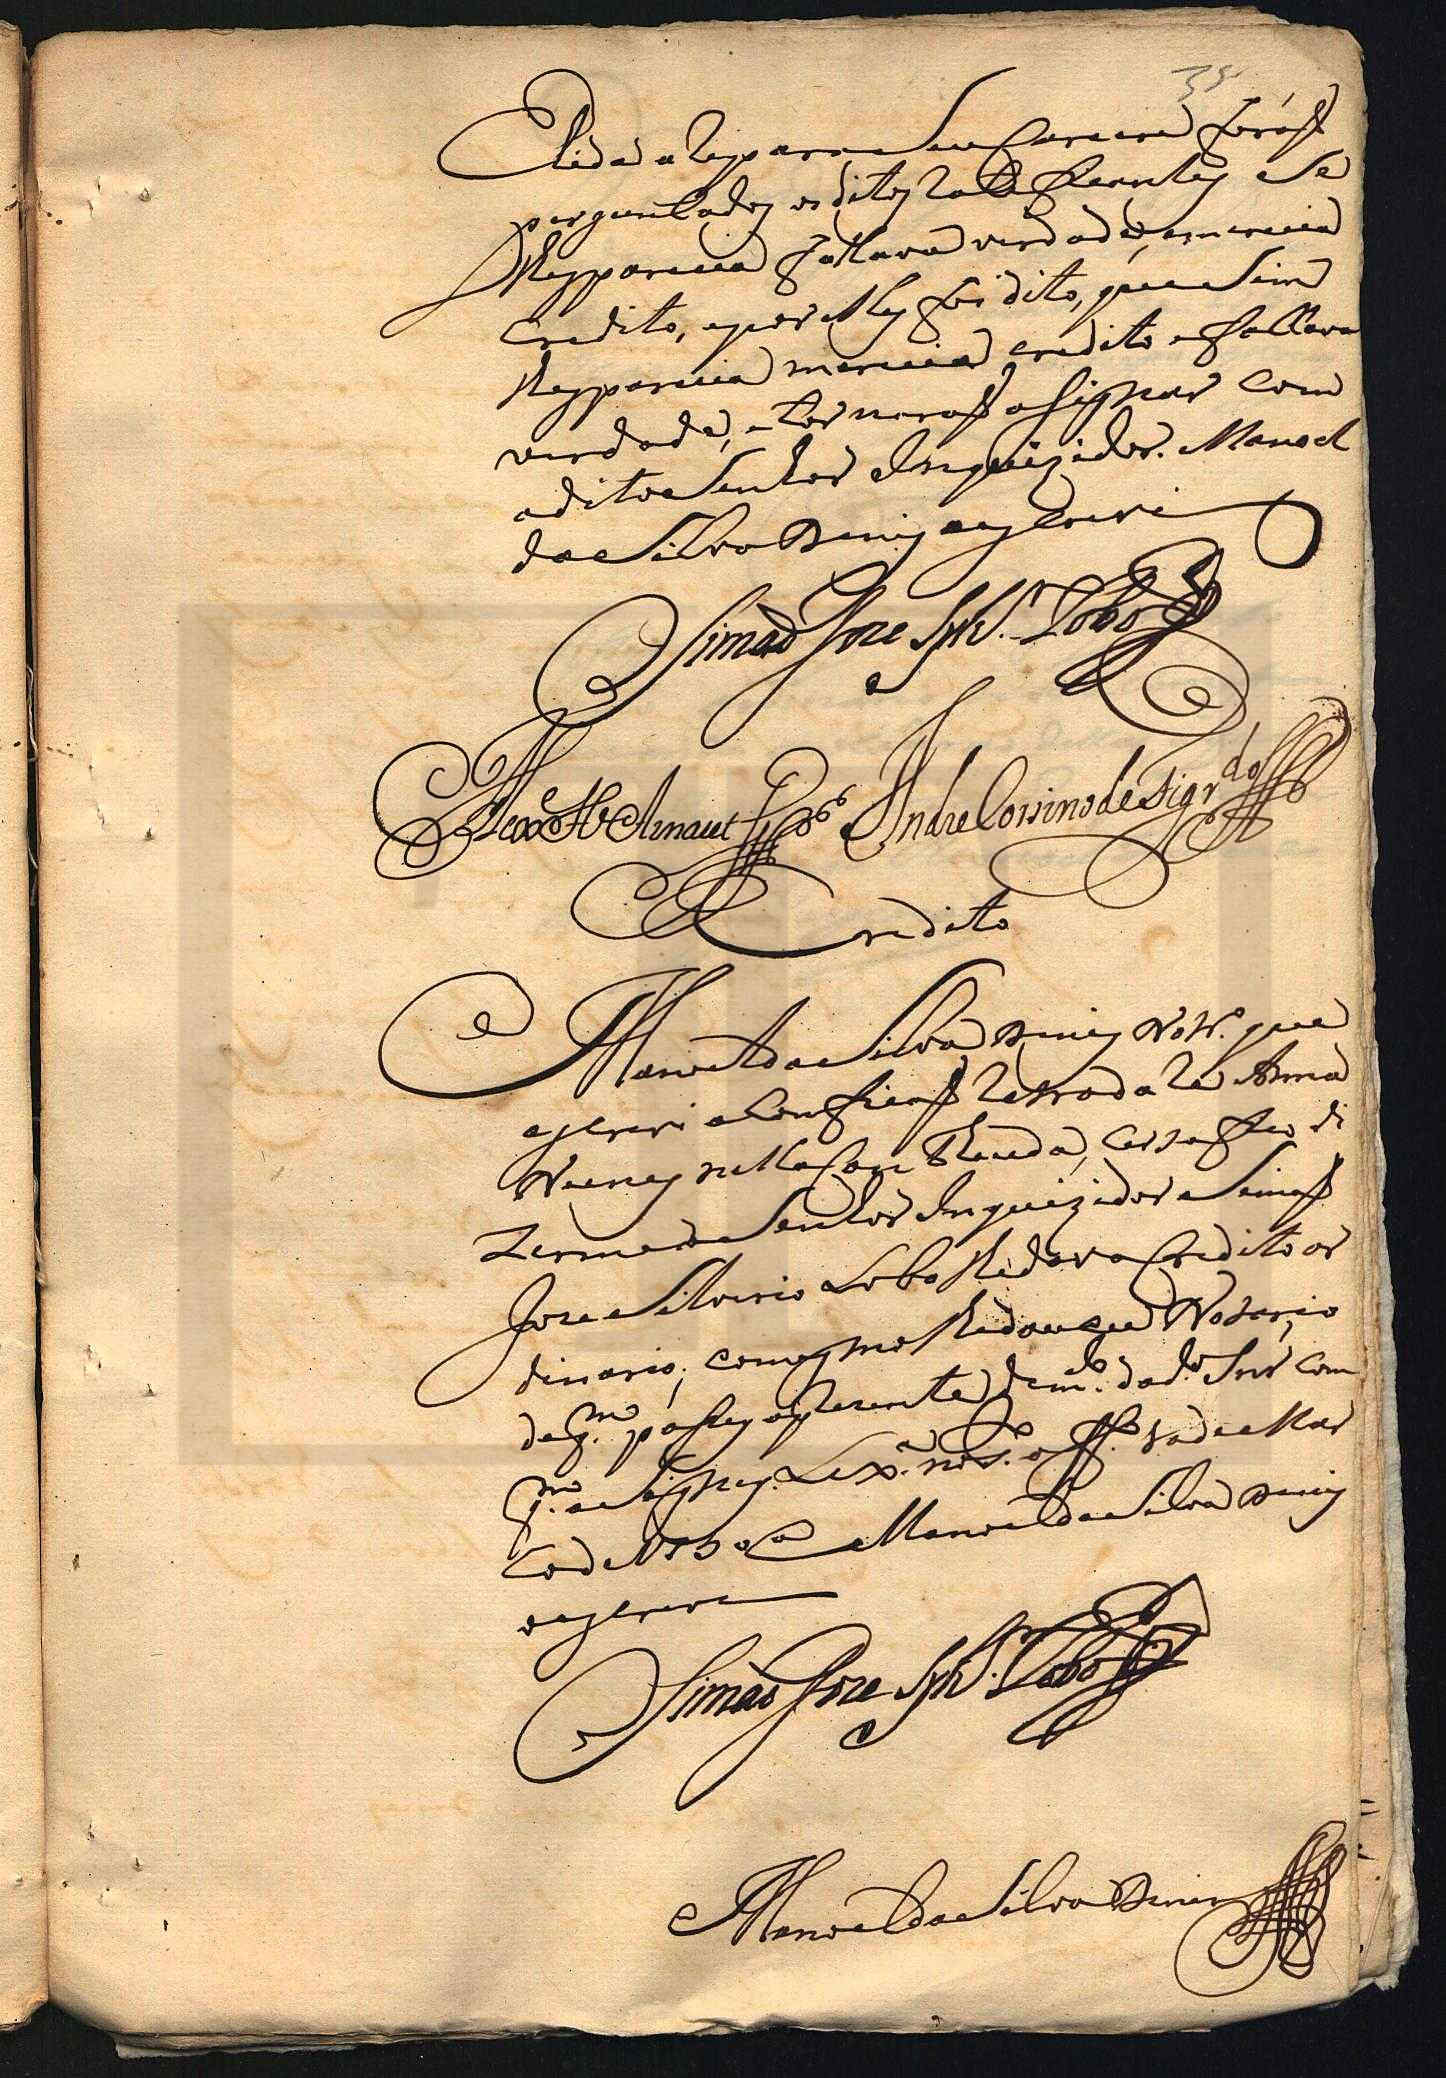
E hida a Re para Seu Carcere foraõ
perguntados os ditos Rateficantes se
lhes parecia fallava verdade, e merecia
Credito, e por elles foi dito, que Sim
lhes parecia merecia credito e fallava
verdade, e tornaraõ a signar com
o dito Senhor Inquizidor Manoel
da Silva Denis o escrevi
Simaõ Joze sylv.r Lobo
ALexe He Arnaut
Andre Corsino de figrdo
Credito
Manoel da Silva Denis Notr.o que
escrevi a Confiçaõ Retro da Re Anna
Nunes nella Contheuda, Certefico di
Zerem o Senhor Inquizidor Simaõ
Joze Silverio Lobo lhe dava Credito or
dinario, e o mesmo lhe dou eu Notario
de q.m passey a pRezente de m.do do d.o snr Com
q.m a Signey Lix.a no s.to off.o 10 de Mar
co de 1750 ā Manoel da Silva Denis
o escrevi
Simaõ Joze Sylv.r Lobo
Manoel da Silva Denis
